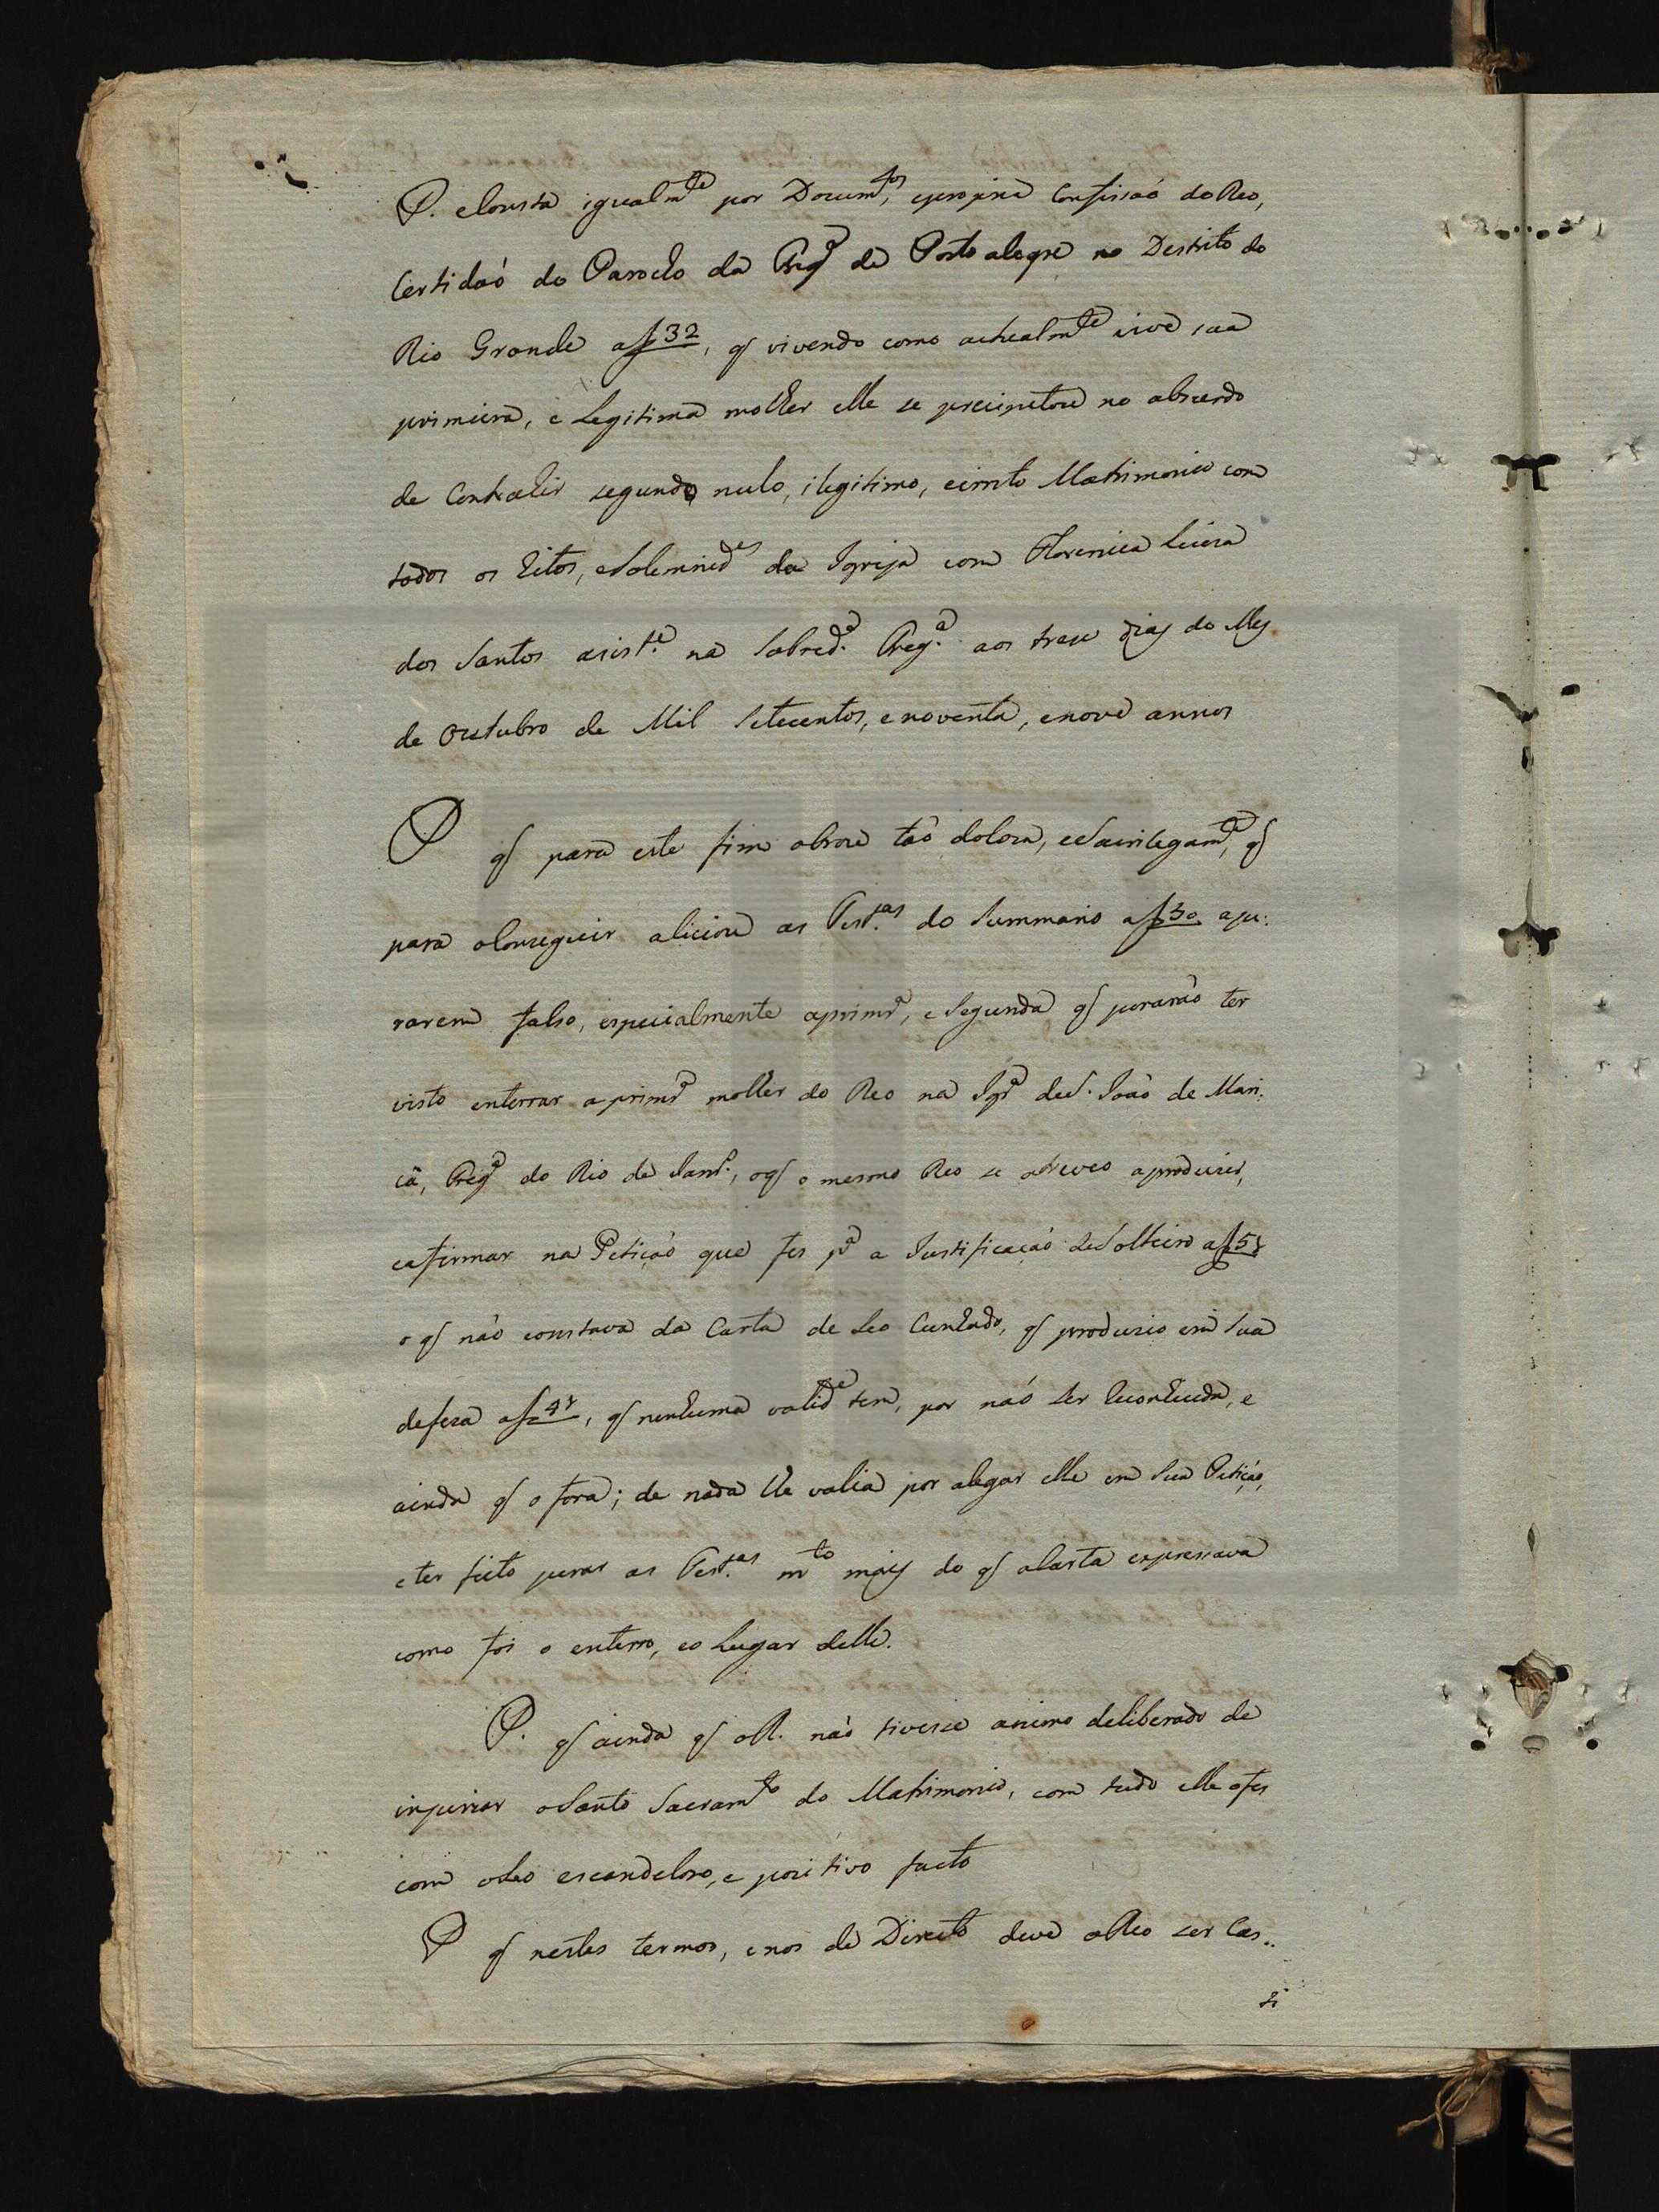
P. e Consta igualmte por Documtos, e propria Confissaõ do Reo,
Certidaõ do Parocho da Frega de Porto alegre no Destrito do
Rio Grande a f. 32, q̄ vivendo como actualmte vive sua
primeira, e Legitima molher elle se precipetou no absurdo
de Contrahir segundo nulo, ilegitimo, e irreto Matrimonio com
todos os Ritos, e Solemnides da Igreja com Florencia Luiza
dos Santos asist.e na sobred.a Freg.a aos treze dias do Mes
de Outubro de Mil Setecentos, e noventa, e nove annos
P q̄ para este fim obrou taõ doloza, e Sacrilegamte, q̄
para o Conseguir aliciou as Test.as do Summario a f. 30 a ju
rarem falso, especialmente a primra, e Segunda q̄ juraraõ ter
visto enterrar a primra molher do Reo na Igra de S. Ioaõ de Mari
cá, Frega do Rio de Ianr.o, o q̄ o mesmo Reo se atreveo a produzir,
e afirmar na Petiçaõ que fes pa a Iustificaçaõ de solteiro a f. 51
o q̄ naõ constava da Carta de Seo Cunhado, q̄ produzio essa Sua
defeza a f. 41, q̄ nenhuma valide tem, por naõ ser Reconheceda, e
ainda q̄ o fora; de nada lhe valia por alegar elle em Sua Petiçaõ,
e ter feito jurar as Test.as mto mais do q̄ a Carta expressava
como foi o enterro, e o Lugar delle.
P. q̄ ainda q̄ o R. naõ tivesse animo deliberado de
injuriar o Santo Sacramto do Matrimonio, comtudo elle o fes
com o Seo escandelozo, e pozitivo facto
P q̄ nestes termos, e nos de Direito deve o Reo ser Cas
